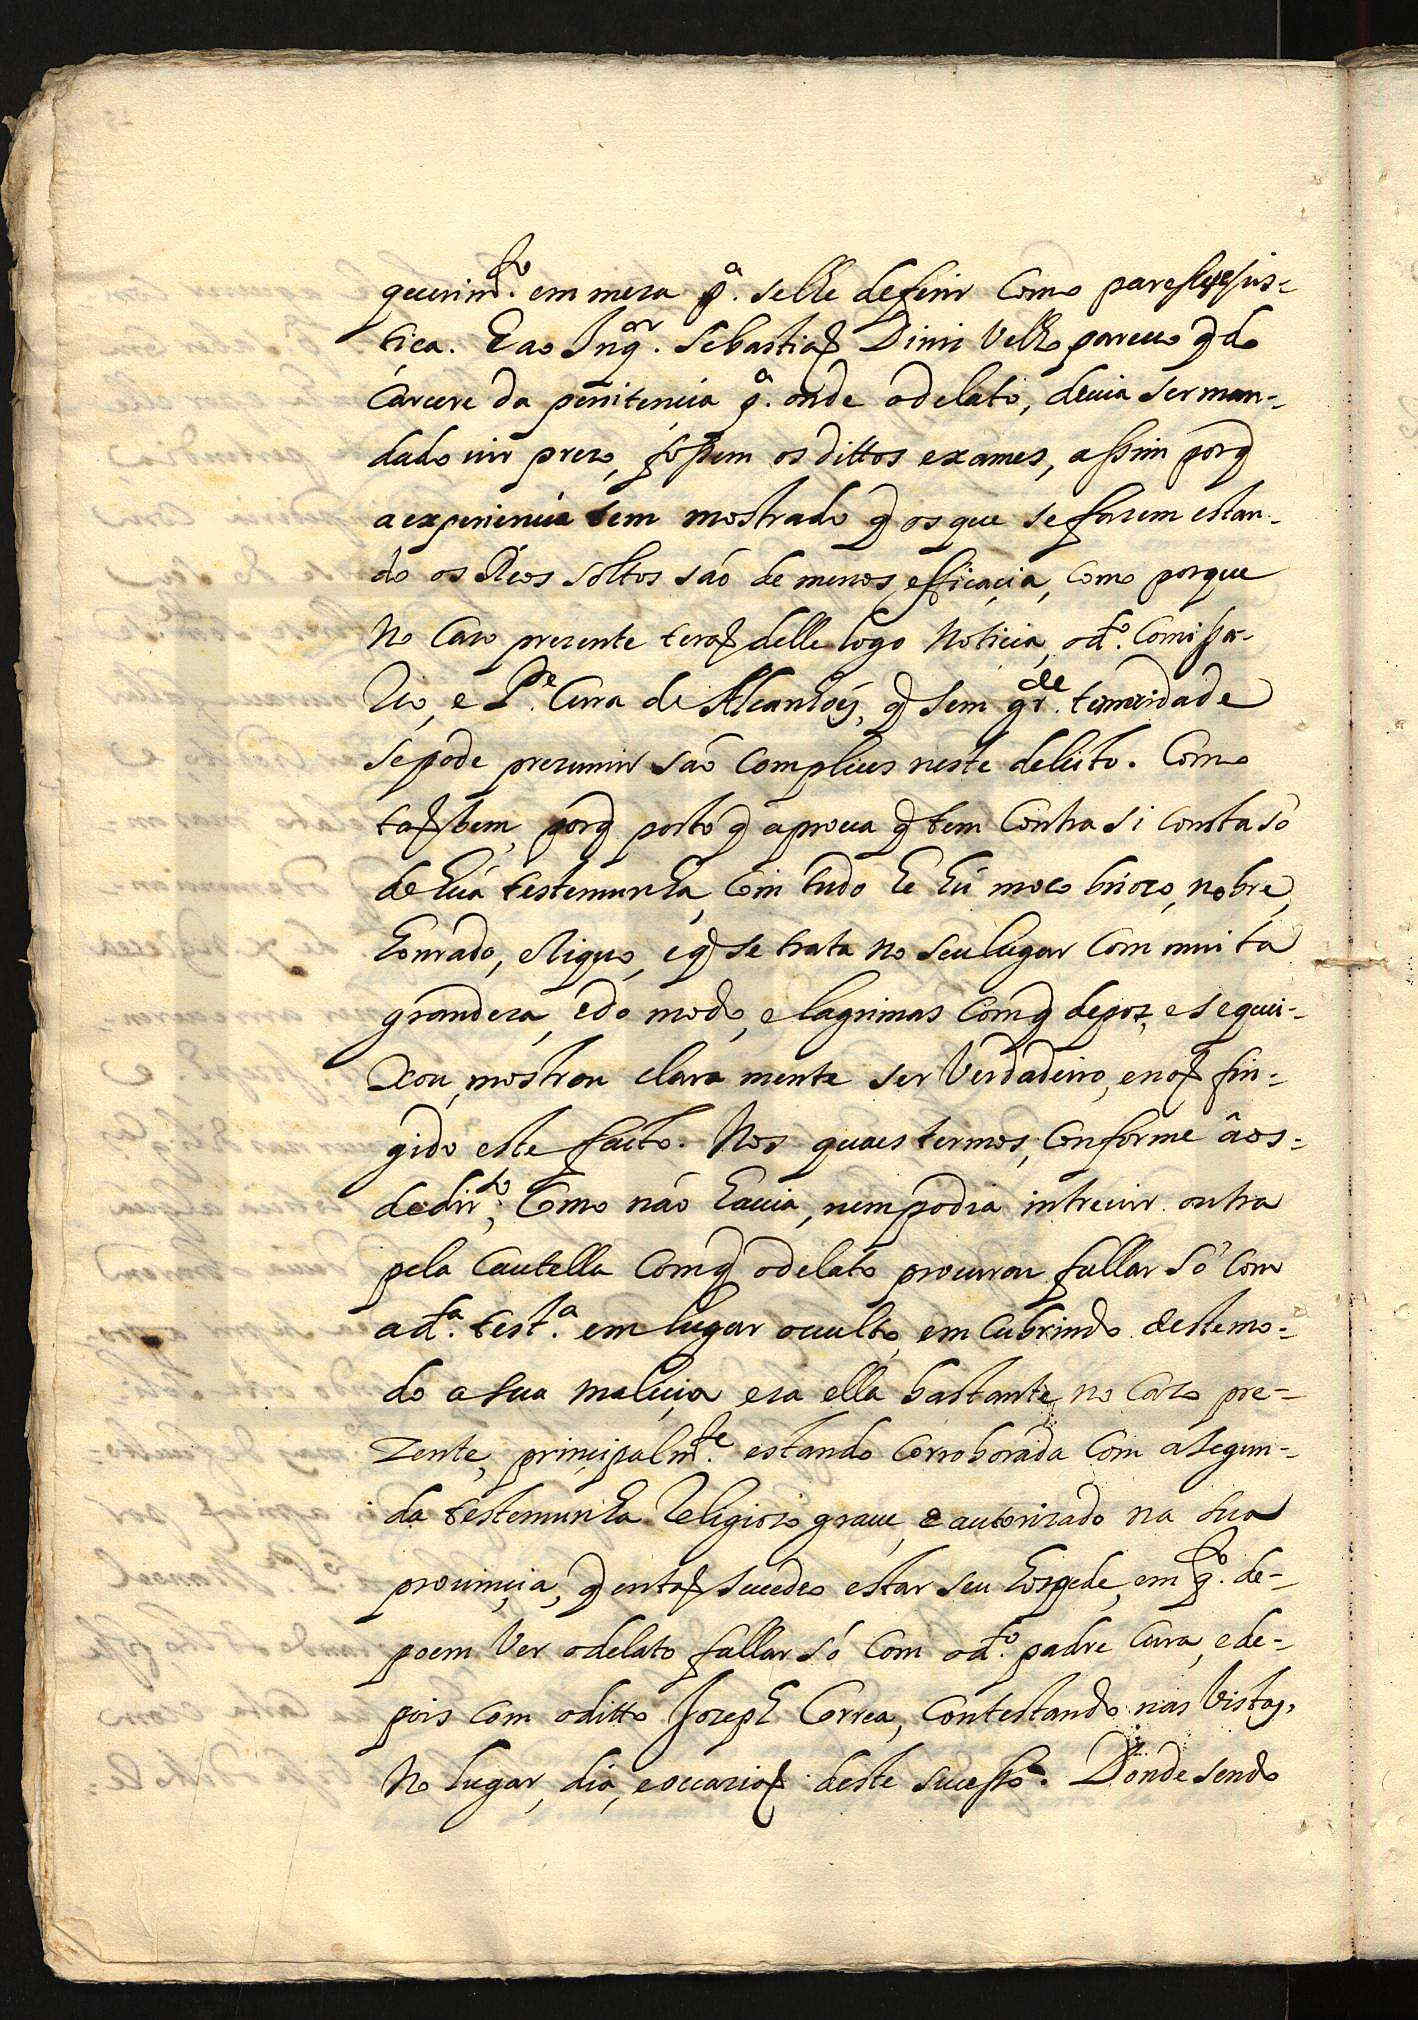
querim.to em meza p.a se lhe defenir Como paressese jus
tiça. E ao Inqor. Sebastiaõ Dinis Velho pareceo q̄ do
Carcere da penitençia p.a onde o delato, deuia ser man
dado uir prezo, fossem os dittos exames, assim porq̄
a experiençia tem mostrado q̄ os que se fazem estan
do os Réos soltos são de menos efficaçia, Como porque
no Cazo prezente teraõ delle logo notiçia, o d̄.o Comissa
Rio, e P.e Cura de Alcanhões, q̄ sem grde. temeridade
se pode prezumir são Complices neste delicto. Como
taõ bem, porq̄ posto q̄ a proua q̄ tem Contra si Consta só
de huā testemunha, Comtudo he hū moco briozo, nobre,
honrado, e Riquo, e q̄ se trata no seu lugar Com muita
grandeza, e o modo, e lagrimas Com q̄ depoz, e se quei
xou, mostrou claramente ser verdadeiro, e naõ fin
gido este facto. Nos quaes termos, Conforme âos
de dir.to, Como não hauia, nem podia intreuir outra
pela Cautella Com q̄ o delato procurou fallar só Com
a d̄.a test.a em lugar occulto, emcubrindo deste mo
do a sua maliçia era ella bastante no Cazo pre
Zente, primçipalm.te estando Corroborada Com a segun
da testemunha Religiozo graue, E autorizado na sua
prouinçia, q̄ entaõ sucedeo estar seu hospede, em q.to de
poem ver o delato fallar só Com o d.o padre Cura, e de
pois Com o ditto Jozeph Correa, Contestando nas vistas
no lugar, dia, e occaziaõ deste sucesso. Donde sendo
